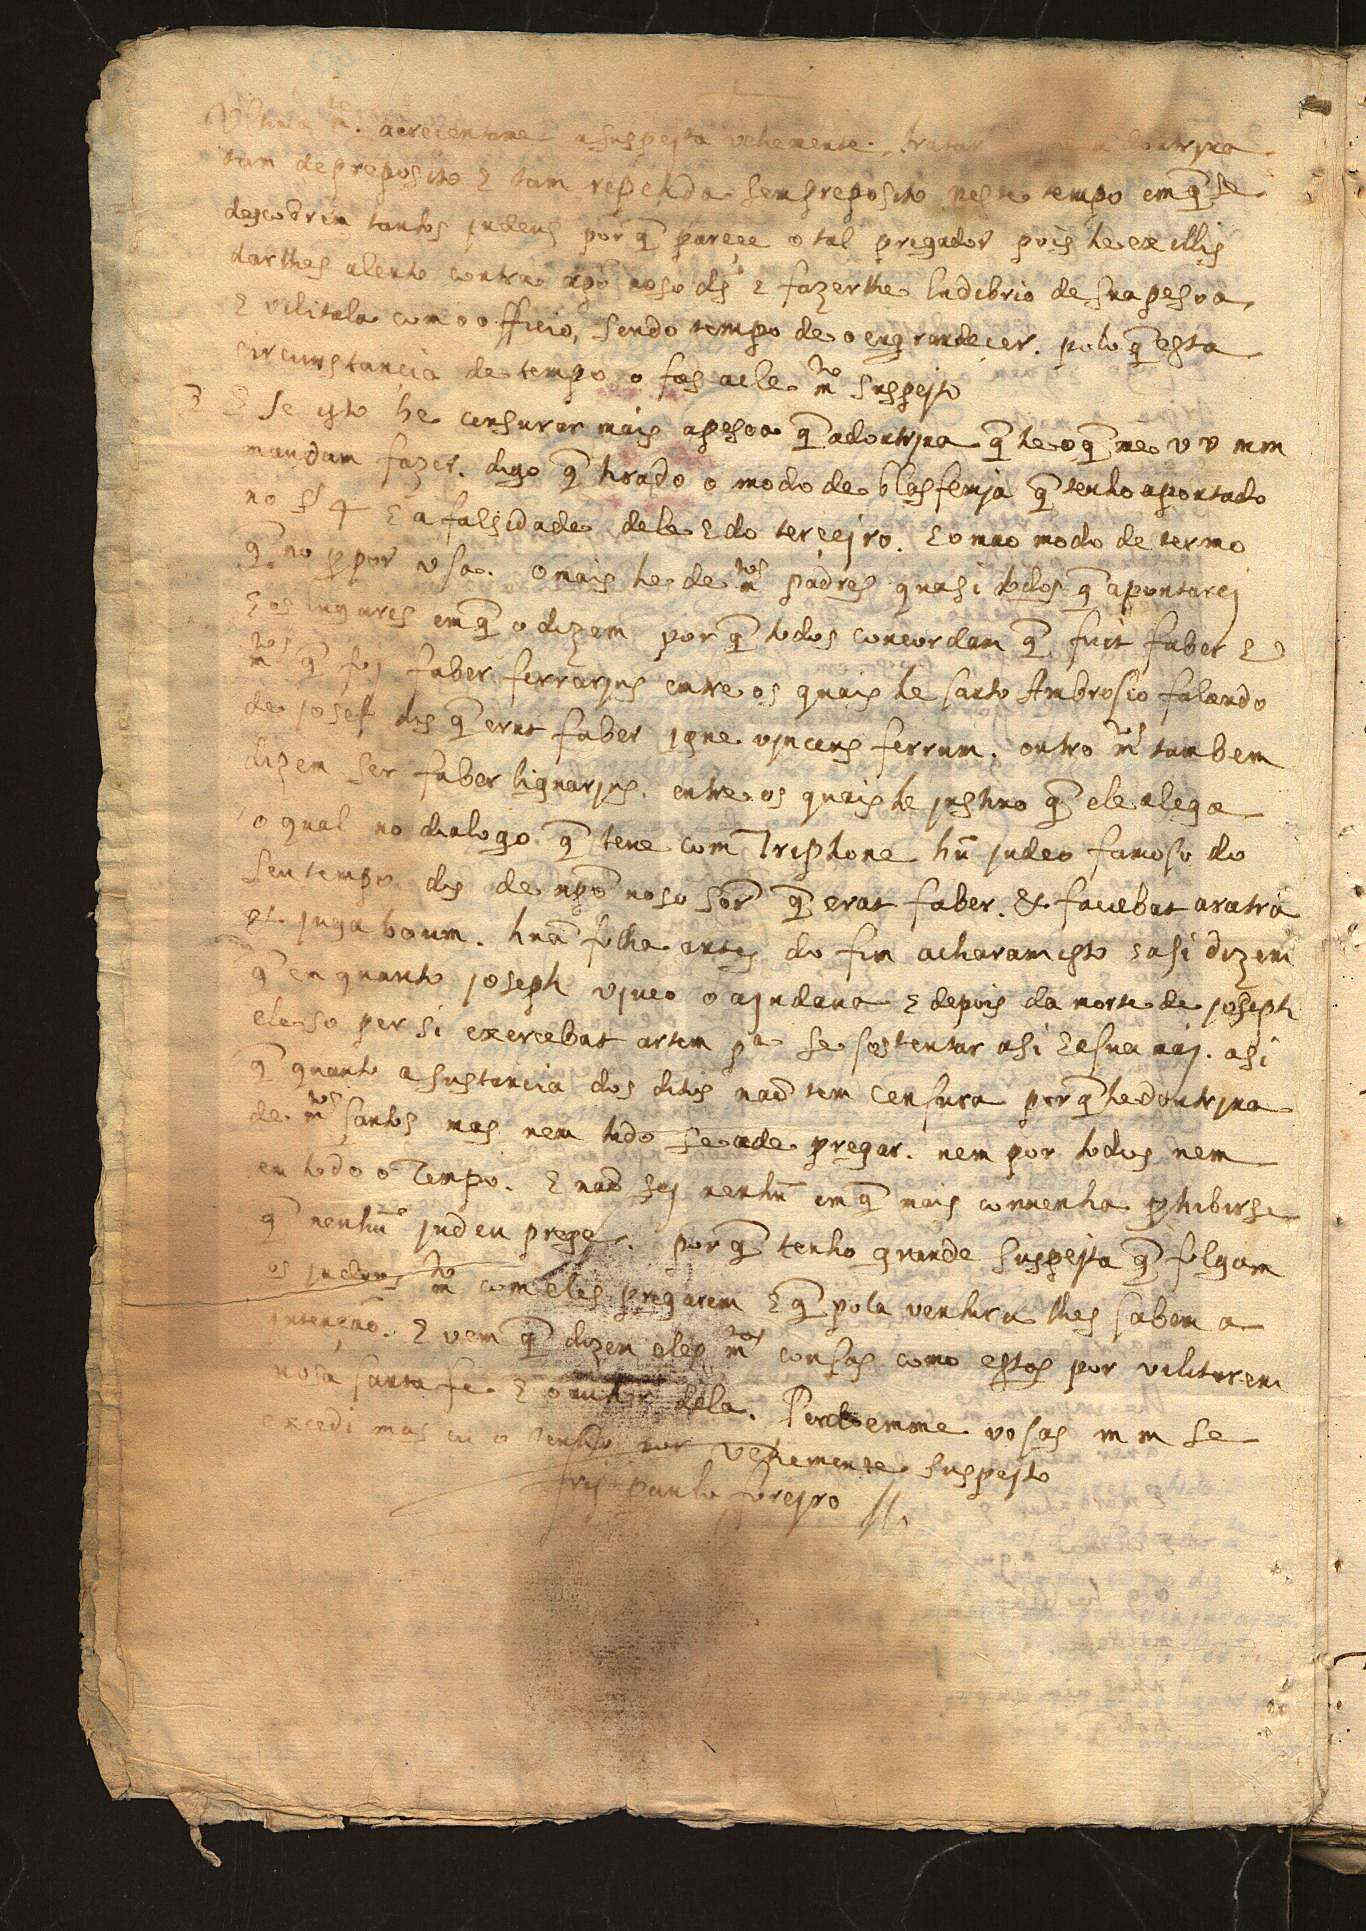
Vltimamte. acresentam a suspeita vehemente tratar _ doutrjna
tam de preposito E tam repetida sem preposito neste tempo em q̄ se
descobrem tantos judeus porq̄ parece o tal pregador pois he ex illis
darlhes alento contra xpō noso ds̄ E fazerlhe ludibrio de sua pesoa
Evilitala com o officio, sendo tempo de o engrandecer polo q̄ esta
circunstancia de tempo o faz a ele mto suspejto
E se isto he censurar mais a pesoa q̄ a doutrjna q̄ he o q̄ me vv mm
mandam fazer digo q̄ tirado o modo de blasfemja q̄ sendo aportado
no §4 E a falsidade dele E do tercejro E o mao modo de termo
q̄ no ꝓpor vsa o mais he de mtos padres quasi todos q̄ apontarej
E os lugares em q̄ o dizem porq̄ todos concordam q̄ fuit faber E
mtos q̄ foj faber ferrarjus entre os quais de santo Ambrosio falando
de josef dis q̄ erat faber igne vjncens ferram. outro mtos tambem
dizer ser faber lignarius entre os quais de justino q̄ ele alega
o qual no dialogo q̄ teue com Triptone hū judeo famoso do
seu tempo dis de xp̄o noso sōr q̄ erat faber & facebat aratra
Et jngaboum. huā folha antes do fim acharam isto E asi dizem
q̄ enquanto joseph vjueo o ajudaua E depois da morte de joseph
ele se per si exercebat artem pa se sostentar a si E a sua maj. asi
q̄ quanto a sustancia dos ditos naõ tem censura porq̄ he doutrjna
de mtos santos mas nem tudo se ade pregar nem por todos nem
em todo o tempo. E naõ sej nenhū em q̄ mais conuenha ꝓhibirse
q̄ nenhū judeu prege. porq̄ tenho grande suspejta q̄ folgam
os judeos mto com eles pregarem E q̄ pola ventura lhes sabem a
jntençaõ. E vem q̄ dizem eles mtas cousas como estas por vilitarem
nosa santa fe. E o autor dela. Perdoemme vosas mm se
excedi mas eu o tenho por vehemente suspejto
frej paulo forejro //.
